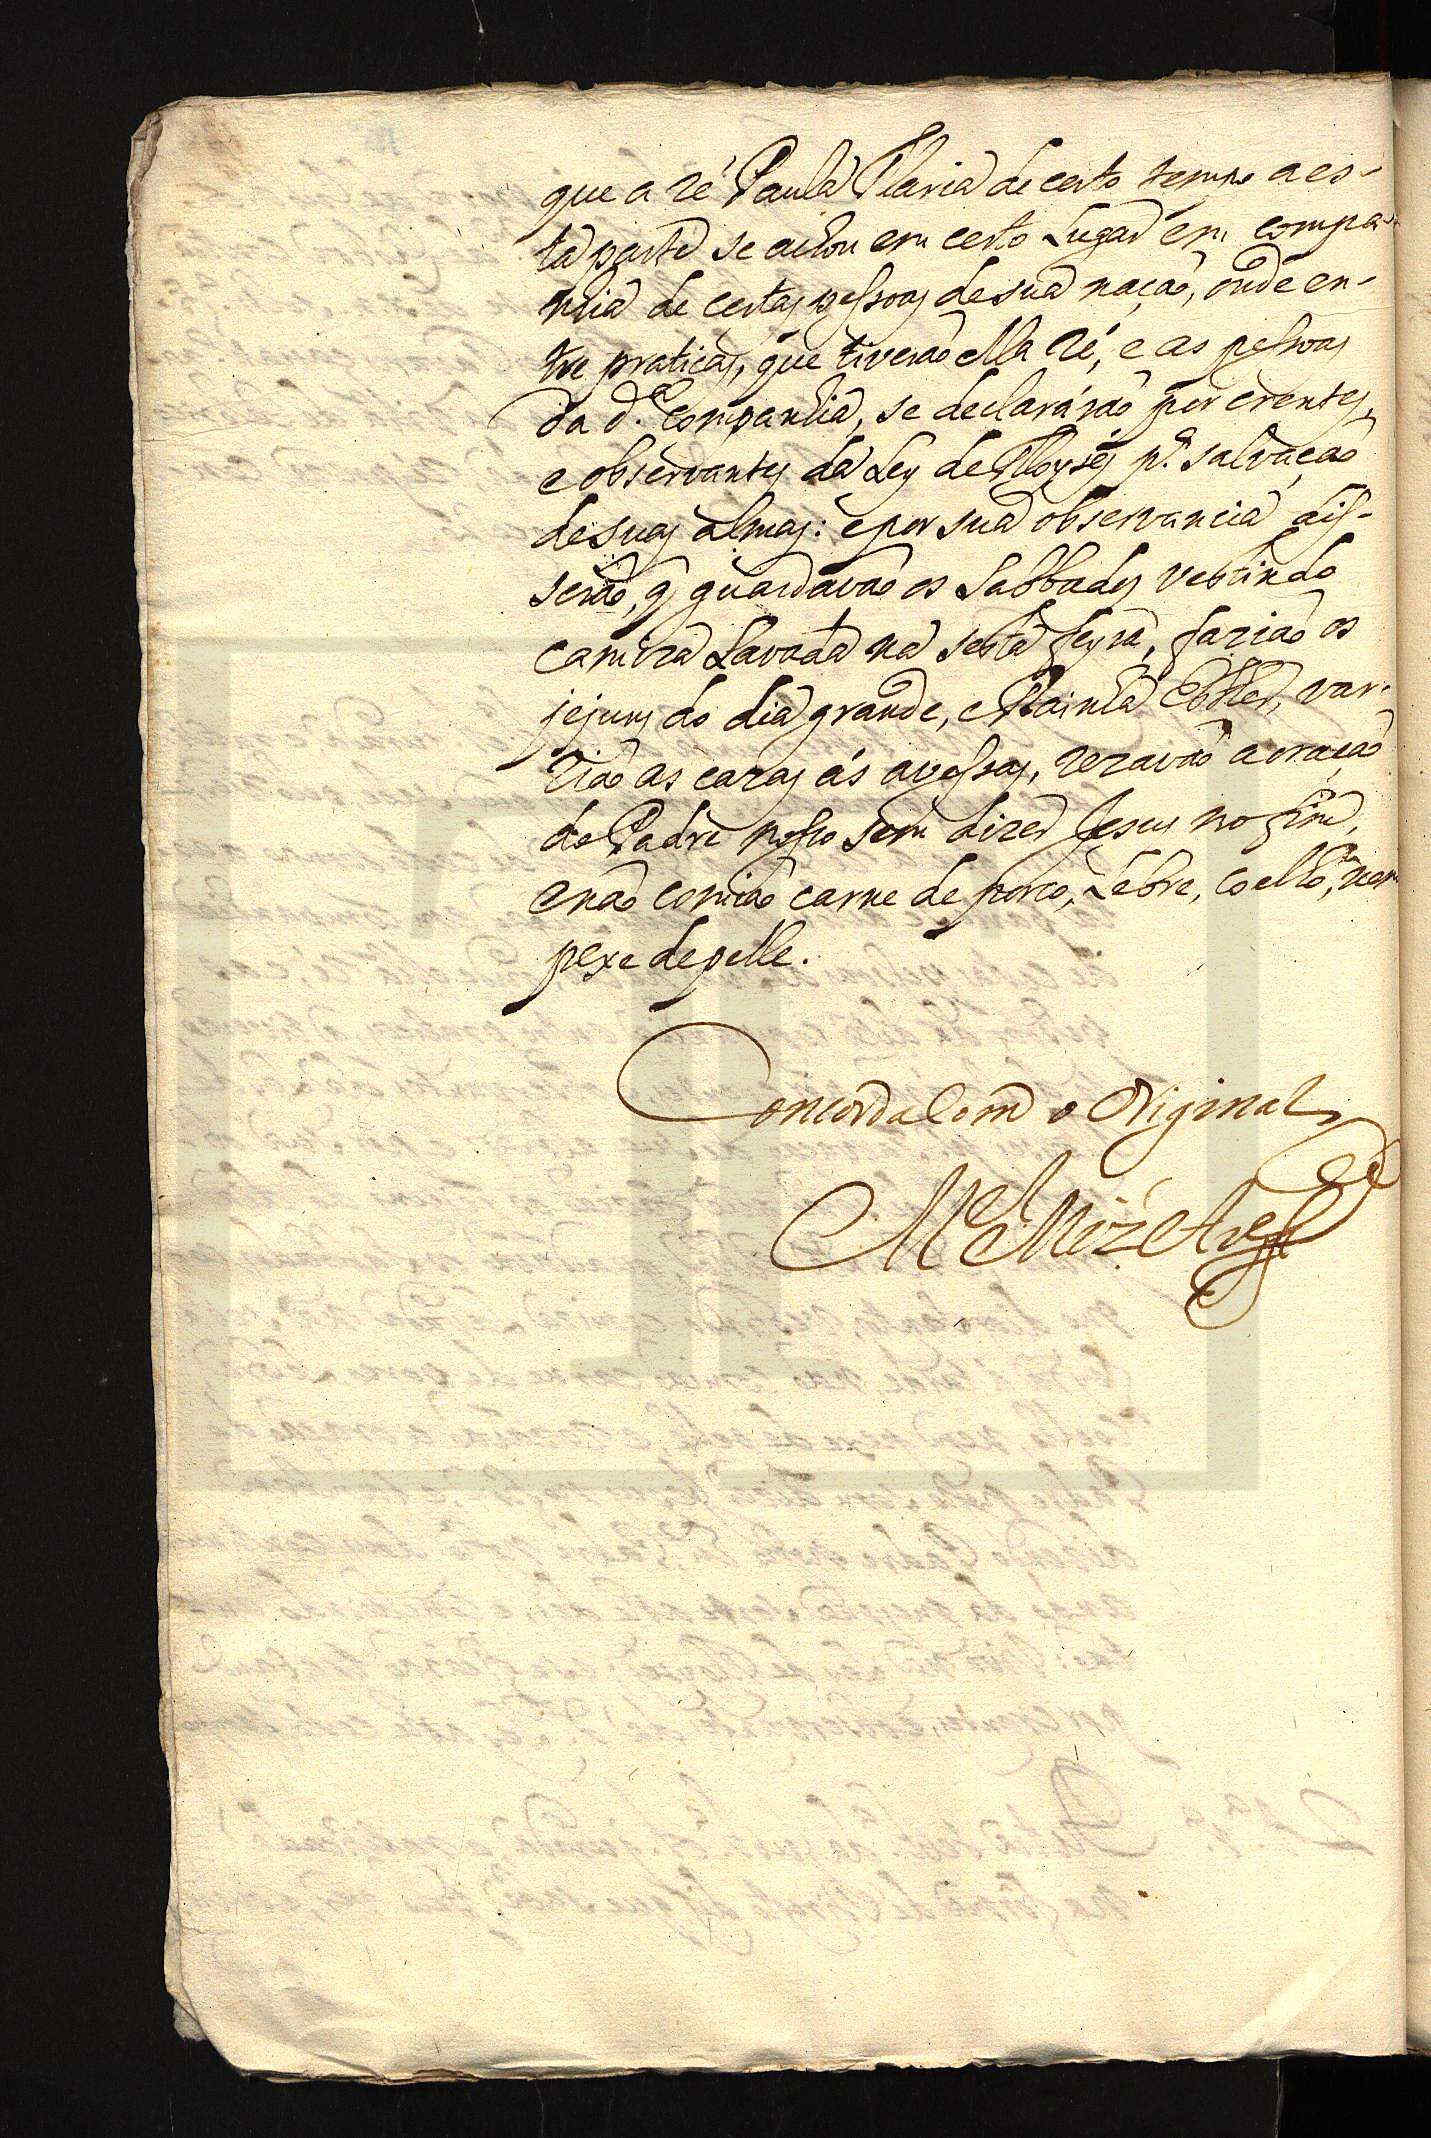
que a Ré Paula Maria de certo tempo a es
ta parte se achou em certo Lugar em compa
nhia de certas pessoas de sua naçaõ, onde en
tre praticas, que tiveraõ ella Ré, e as pessoas
da d.a companhia, se declaráraõ per crentes,
e observantes da Ley de Moyzés, p.a salvaçaõ
de suas almas: e por sua observancia dis
seraõ, q̄ guardavaõ os Sabbados vestindo
camiza Lavada na sesta feyra, faziaõ os
jejuns do dia grande, e Rainha Esther, var
riaõ as cazas ás avessas, rezavaõ a oração
do Padre nosso sem dizer Jesus no fim,
e não comiaõ carne de porco, Lebre, coelho nem
pexe de pelle.
Concorda Com o OriginaL
Mel Miz̄ Aze
